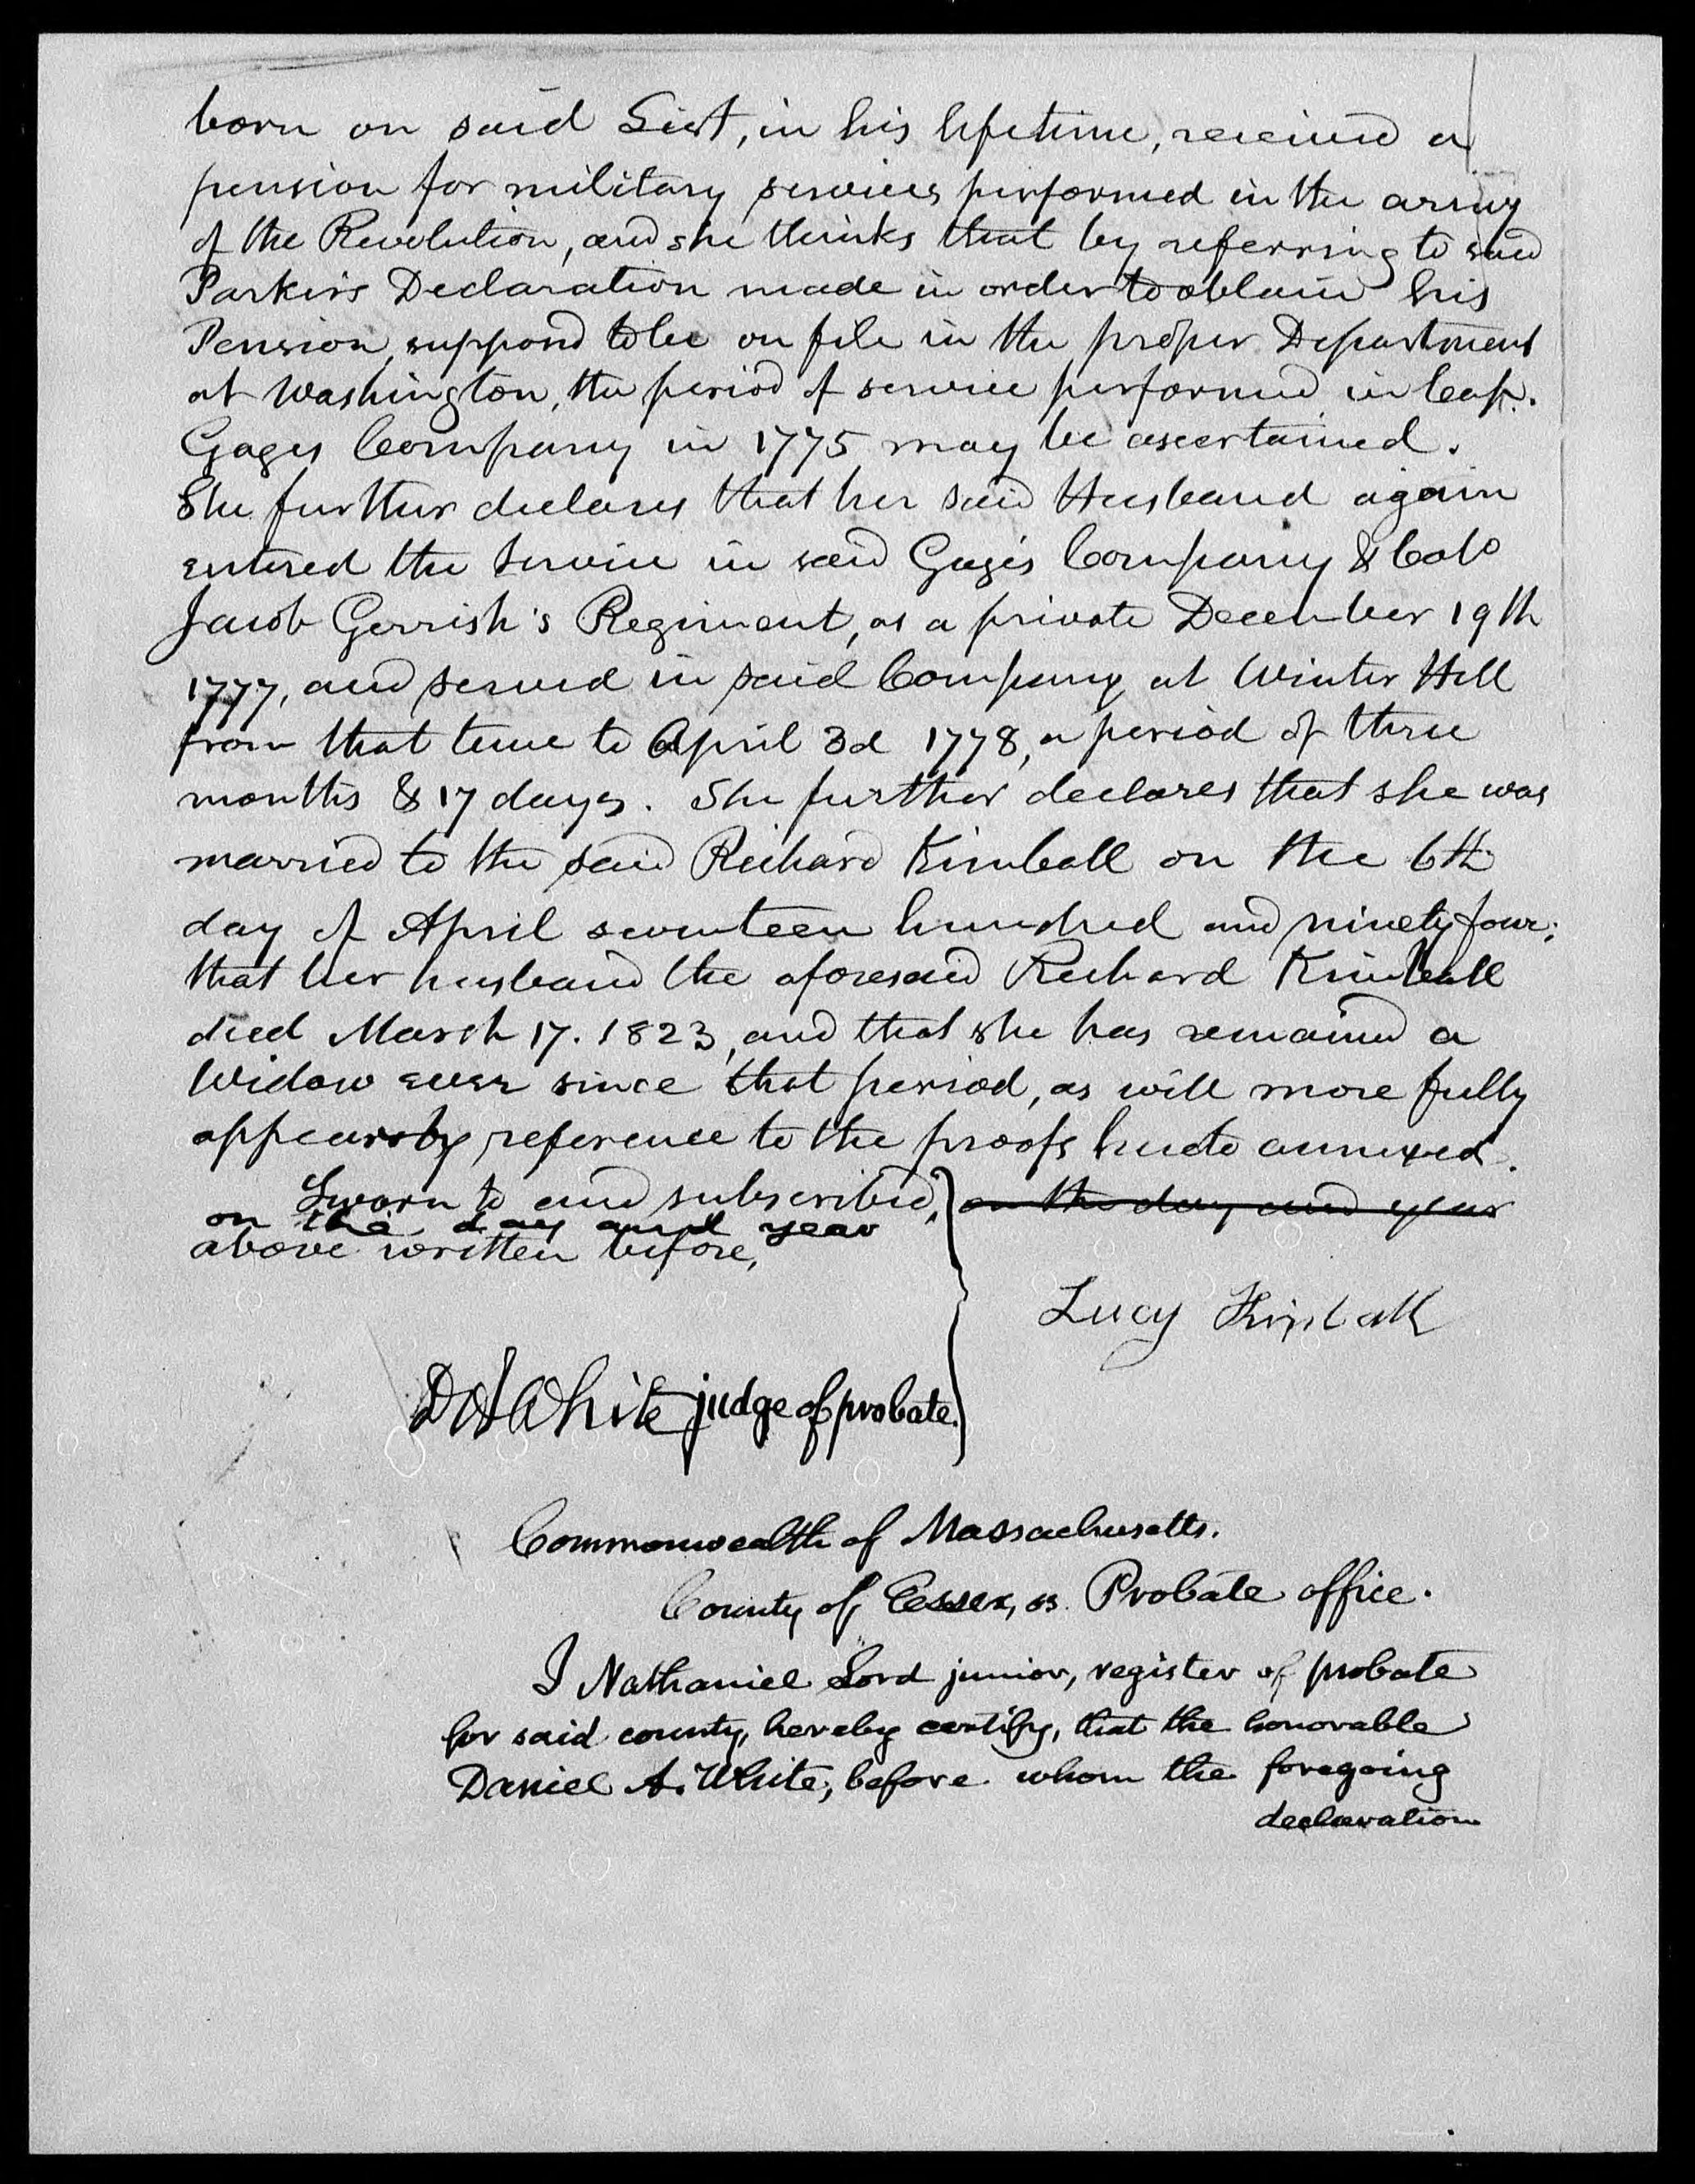born on said list, in his lifetime, received a pension for military services performed in the army of the Revolution, and she thinks that by referring to said Parker's Declaration made in order to obtain his pension, supposed to be on file in the proper Department of Washington, the period of service performed in Cap Gages Company in 1775 may be ascertained. 
She further declares that her said Husband again entered the service in said Gage's Company & Col. Jacob Gerrish's Regiment, as a private December 19th 1777, and served in said Company at Winter Hill from that time to April 3d 1778, a period of three months & 17 days. She further declares that was was married to the said Richard Kimball on the 6th day of April seventeen hundred and ninety four; that her husband the aforesaid Richard Kimball died March 17. 1823, and that she has remained a widow ever since that period, as will more fully appear by reference to the proofs hereto annexed.
Sworn to and subscribed, on the day and year above written before,
Lucy Kimball
Dan White judge of probate.

Commonwealth of Massachusetts,
County of Essex, es. Probate office.
I Nathaniel Lord junior, register of probate for said county, hereby certify, that the honorable Daniel A White, before the foregoing declaration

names: Richard Kimball; [BLANK] Parker; Daniel A White; Nathaniel Lord; Lucy Kimball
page: 4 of 29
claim: widow's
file: W. 1779, for Richard Kimball, Massachusetts